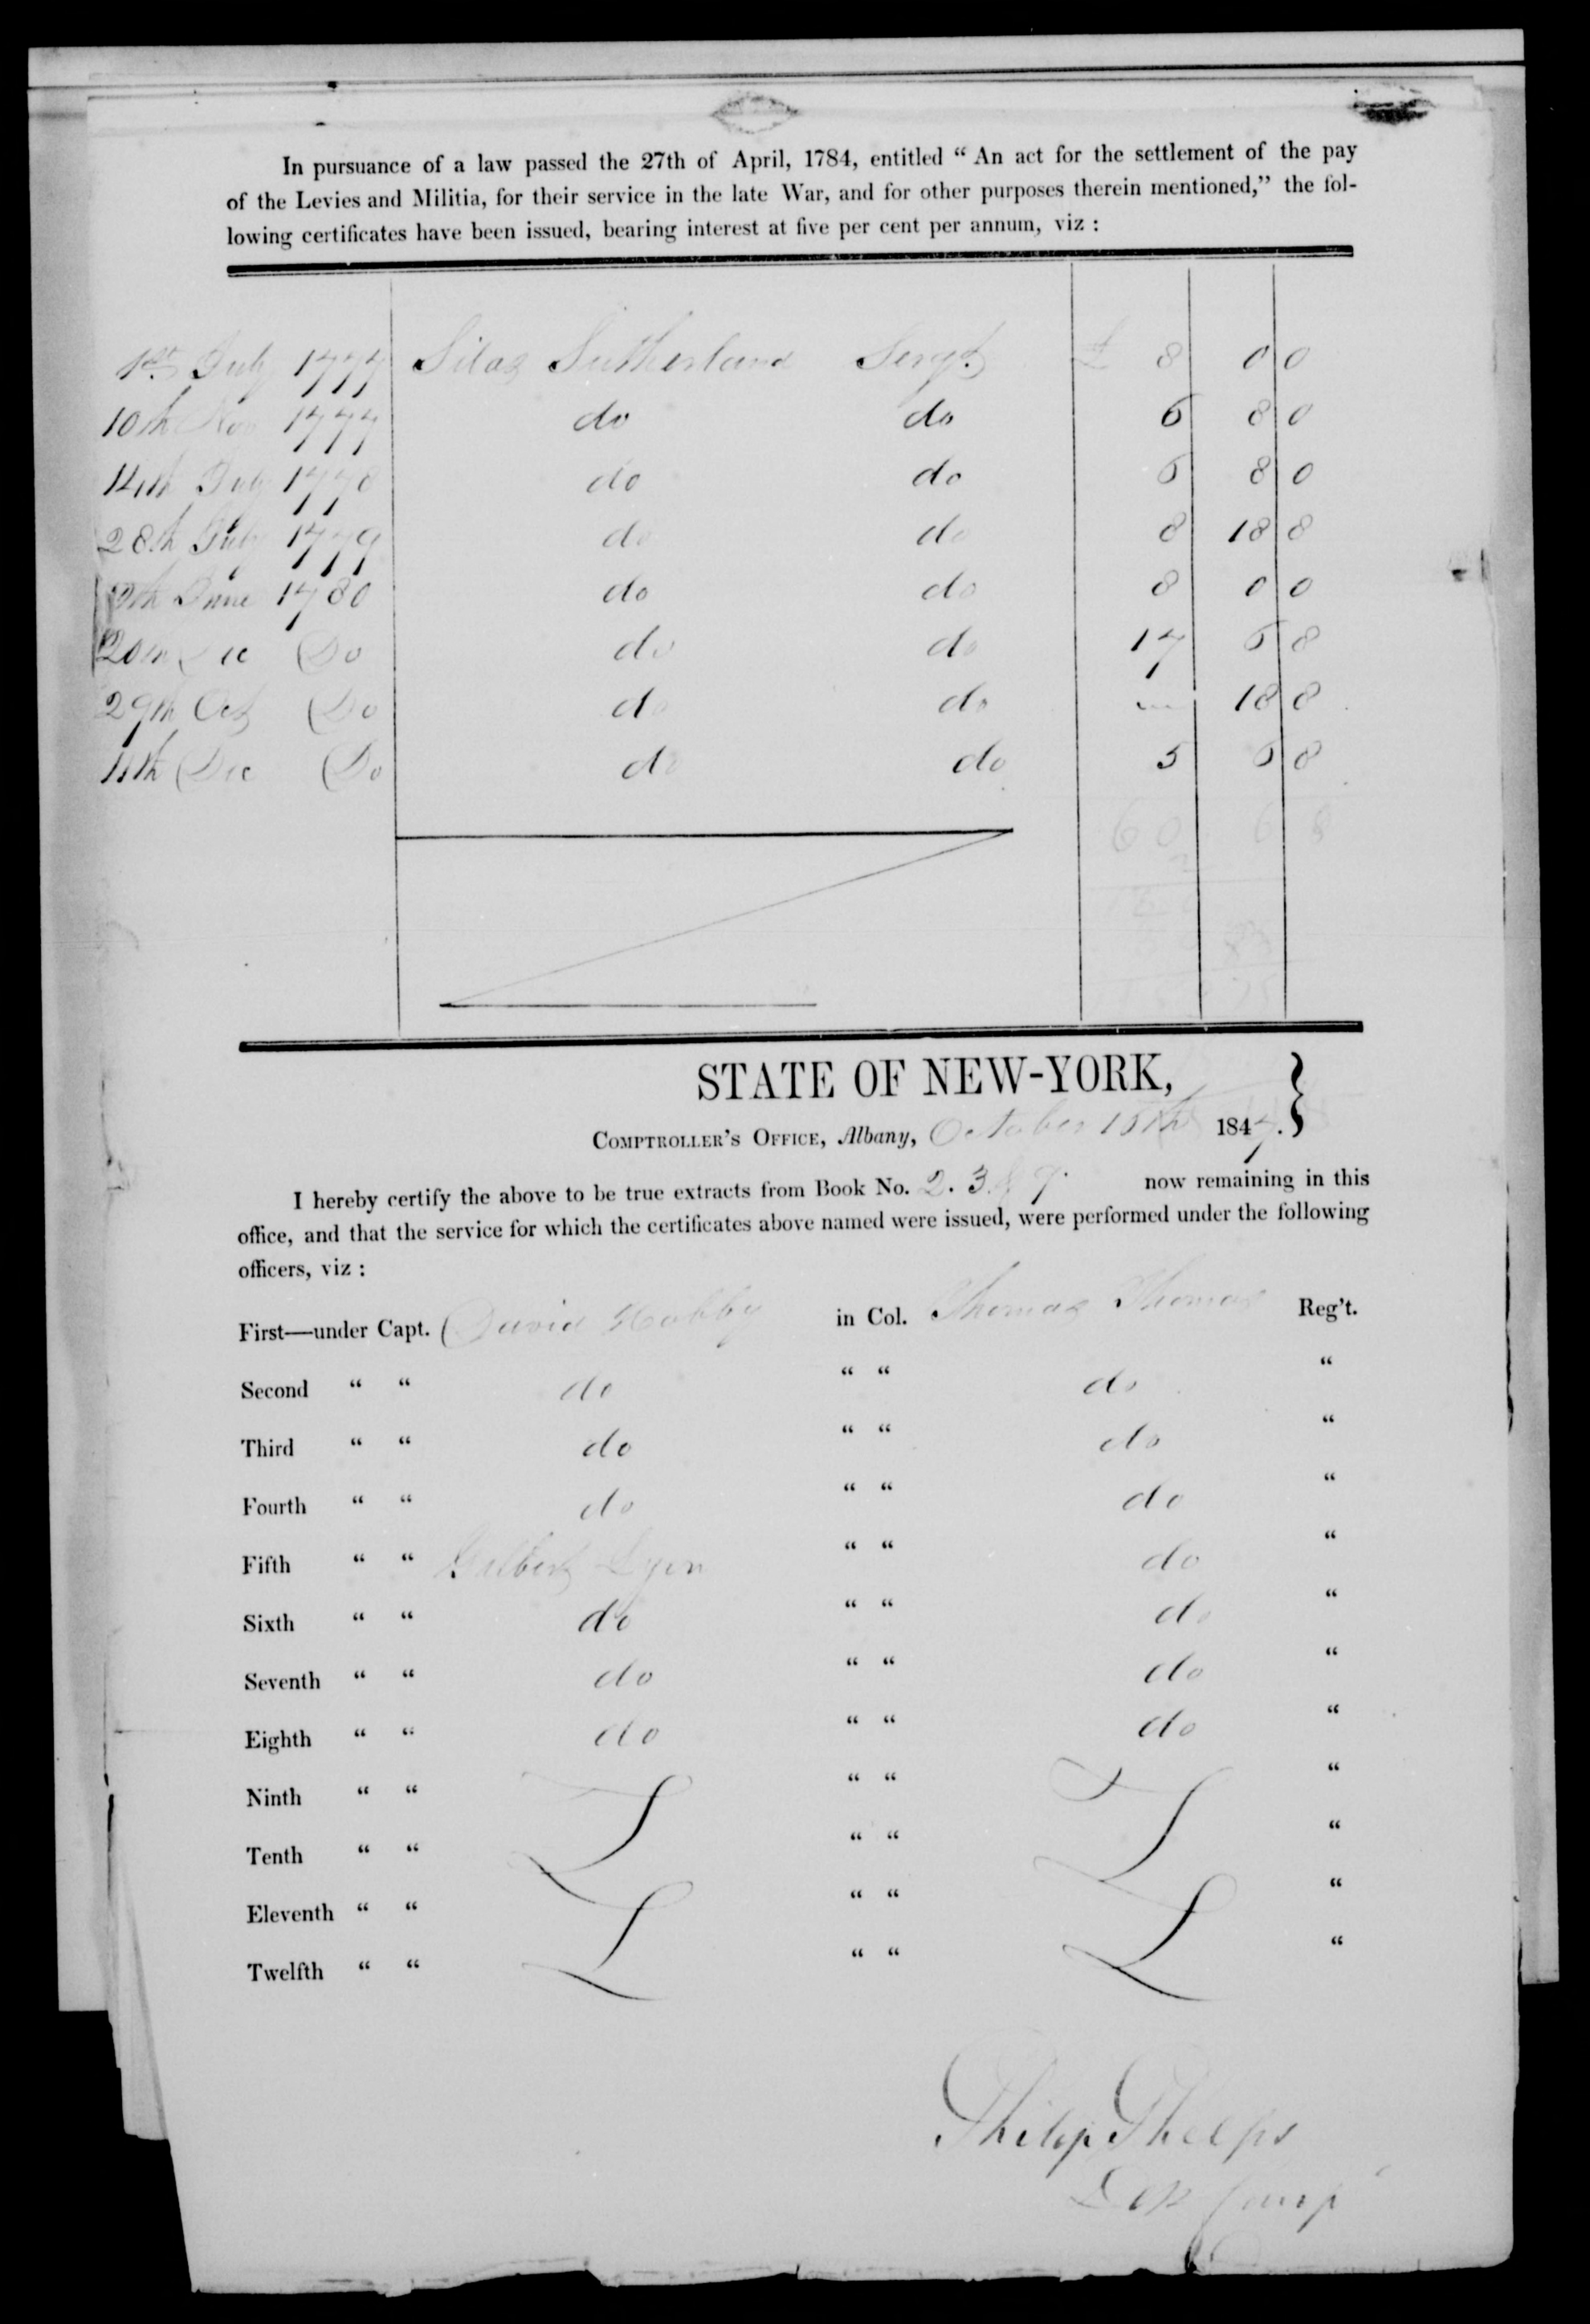In pursuance of a law passed the 27th of April, 1784, entitled " An act for the settlement of the pay of the Levies and Militia, for their service in the late War, and for other purposes therein mentioned," the following certificates have been issued, bearing interest at five per cent per annum, viz : 

1st July 1777  |  Silas Sutherland Sergt  |  £ 8.0.0
10th Nov 1777  |  do [ditto]  do  |  6.8.0
14th July 1778  |  do  do  |  6.8.0
28th July 1779  |  do  do  |  8.18.8
9th June 1780  |  do  do  |  8.0.0
20th [?] Do [1780]  |  do  do  |  17.6.8
29th Oct Do  |  do  do  |  --.18.8
11th Dec Do  |  do  do  |  5.6.8

[Sum]  60.6.8

STATE OF NEW-YORK, 
COMPTROLLER'S OFFICE, Albany, October 10th 1847. } 

I hereby certify the above to be true extracts from Book No. 2.3.& 9 now remaining in this office, and that the service for which the certificates above named were issued, were performed under the following officers, viz : 

First - under Capt. David Hobby in Col. Thomas Thomas Reg't. 
Second " " do " " do "
Third " " do " " do "
Fourth " " do " " do "
Fifth " " Gilbert Lyon " " do "
Sixth " " do " " do "
Seventh " " do " " do "
Eighth " " do " " do "
Ninth " " -- " " -- "
Tenth " " -- " " -- "
Eleventh " " -- " " -- "
Twelfth " " -- " " -- "

Philip Phelps
Dep Comp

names: Philip Phelps; Silas Sutherland; David Hobby; Thomas Thomas; Gilbert Lyon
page: 21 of 77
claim: survivor's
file: S. 23003, for Silas Southerland, New York